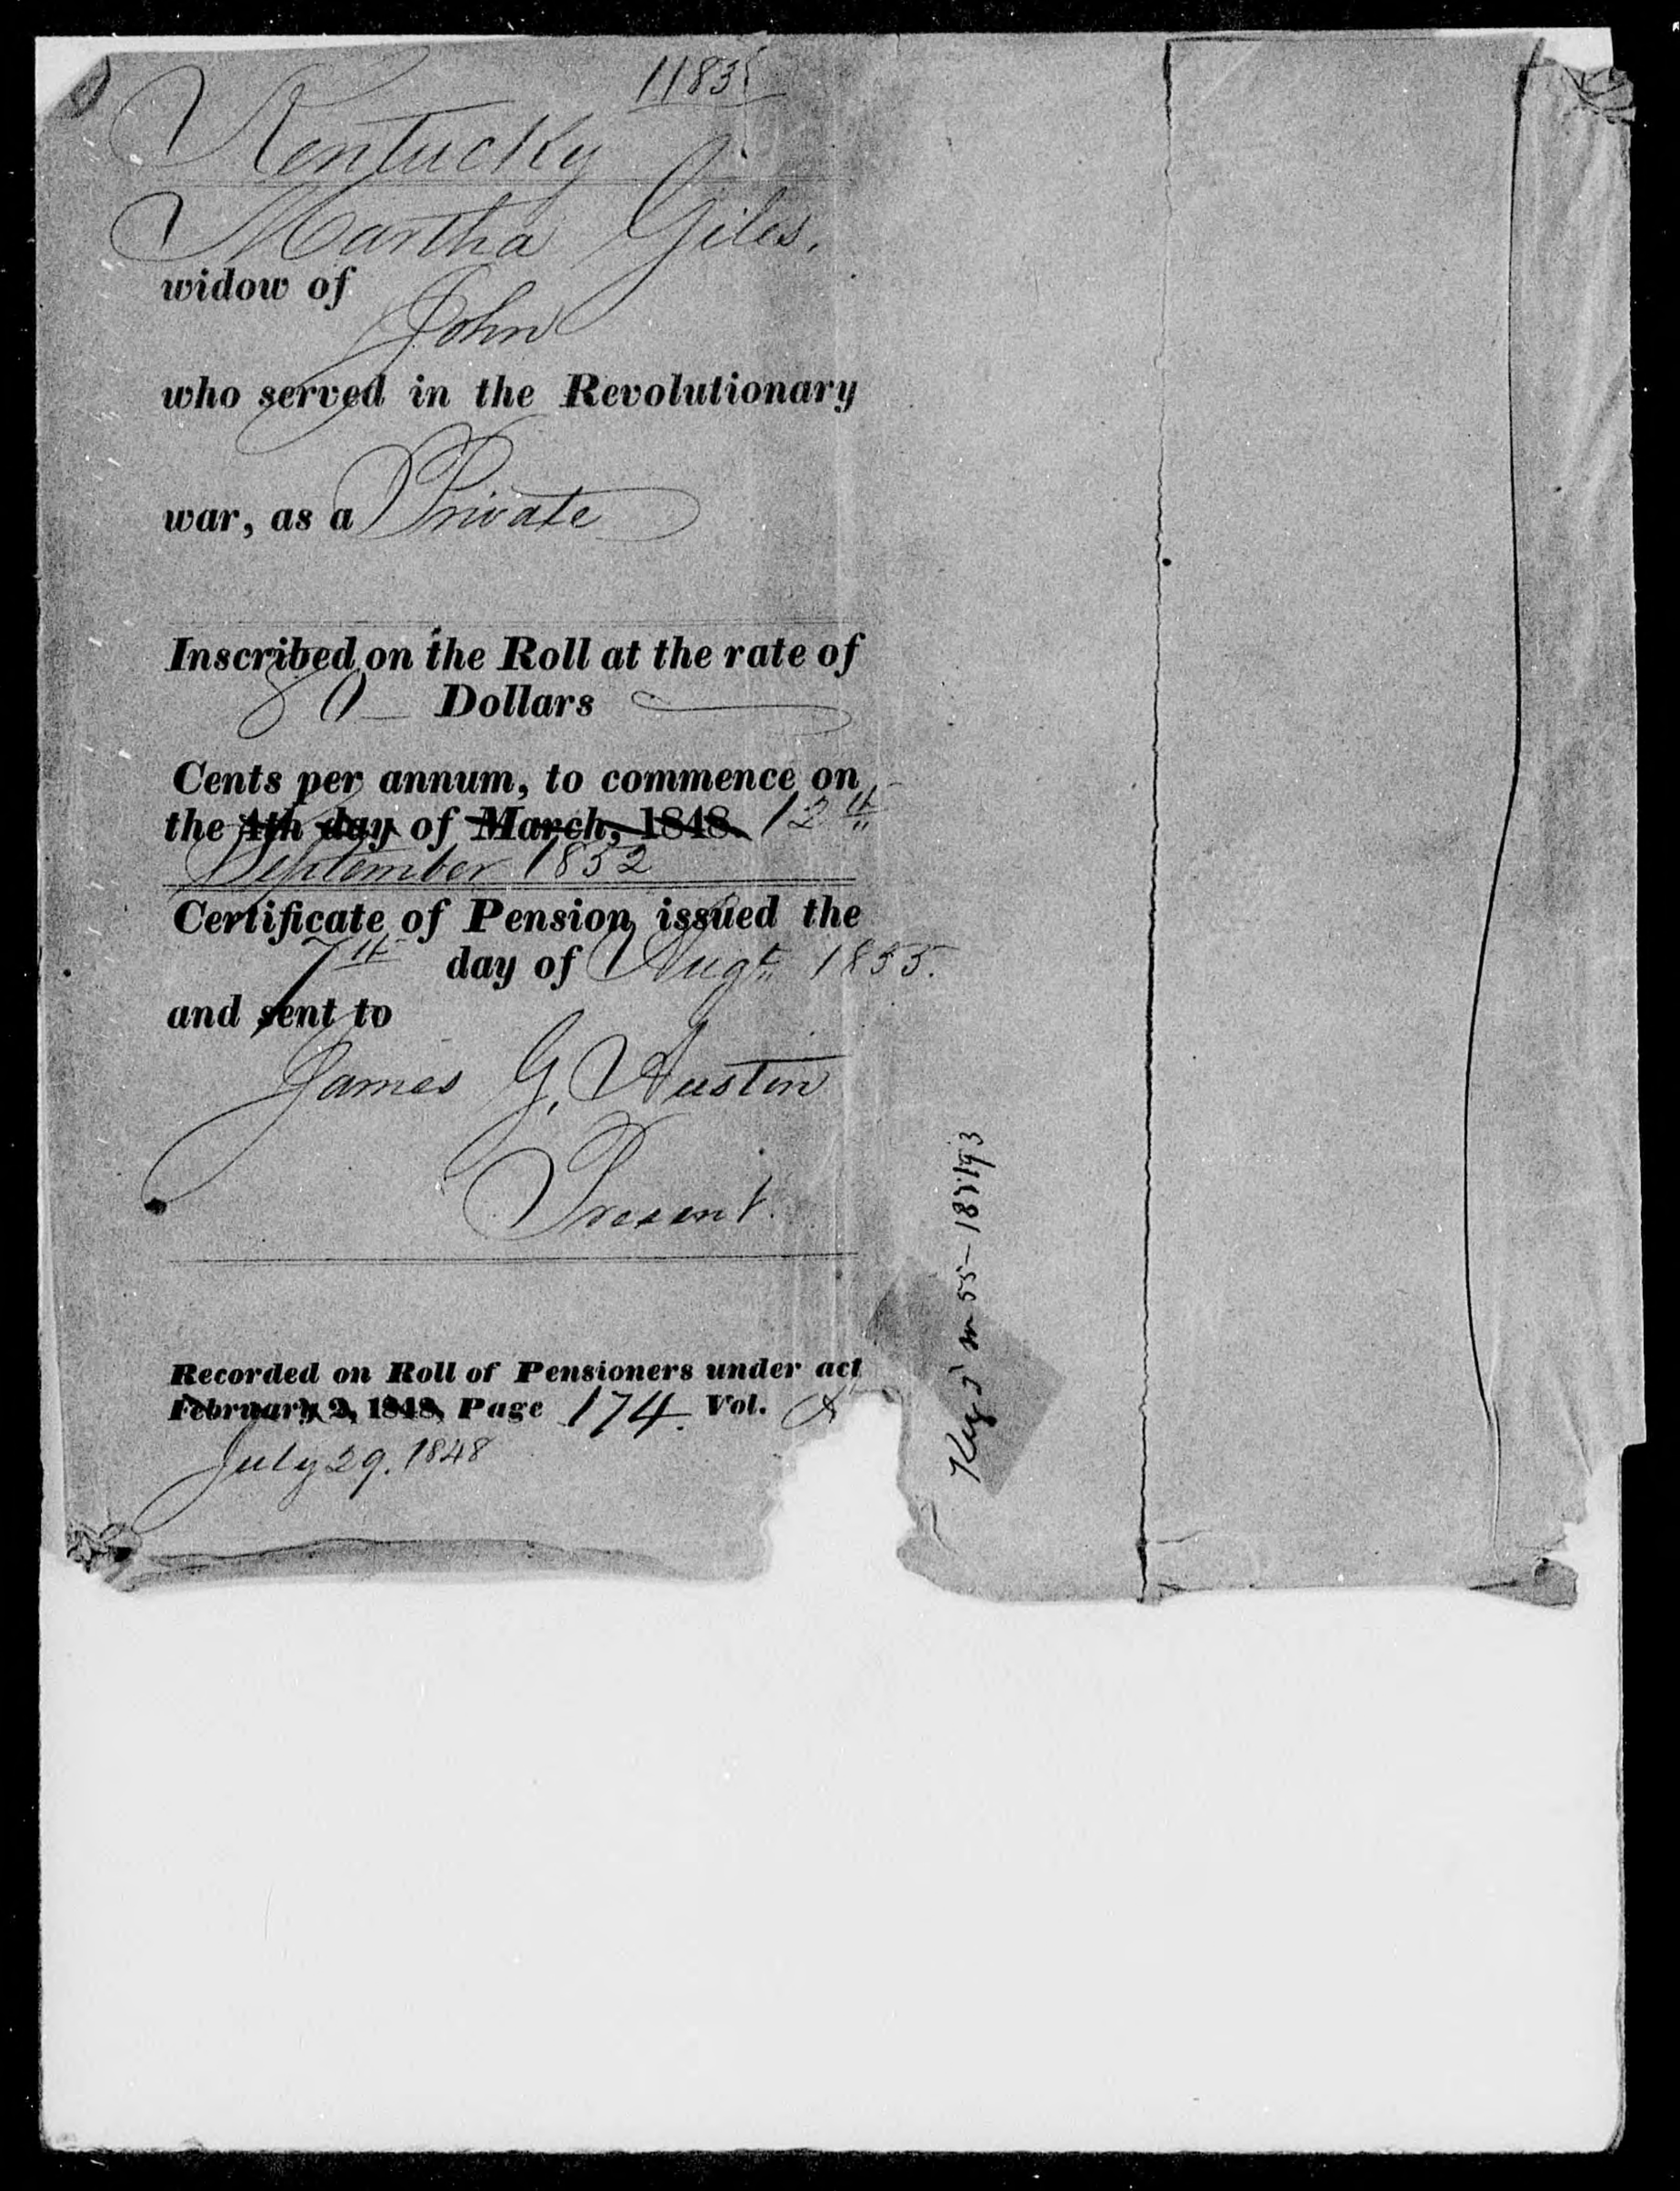Kentucky 11831
Martha Giles widow of John who served in the Revolutionary war, as a Private 

Inscribed on the Roll at the rate of 80 dollars per annum, to commence on the 12th September 1852

Certificate of Pension issued the 7th day of August 1855. and sent to 
James G. Austin
Present

Recorded on Roll of Pensioners under act July 29, 1848 page 174 Vol.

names: John, Martha Giles, James G Austin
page: 42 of 82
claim: widow's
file: W. 7,522, John Giles, N.C.